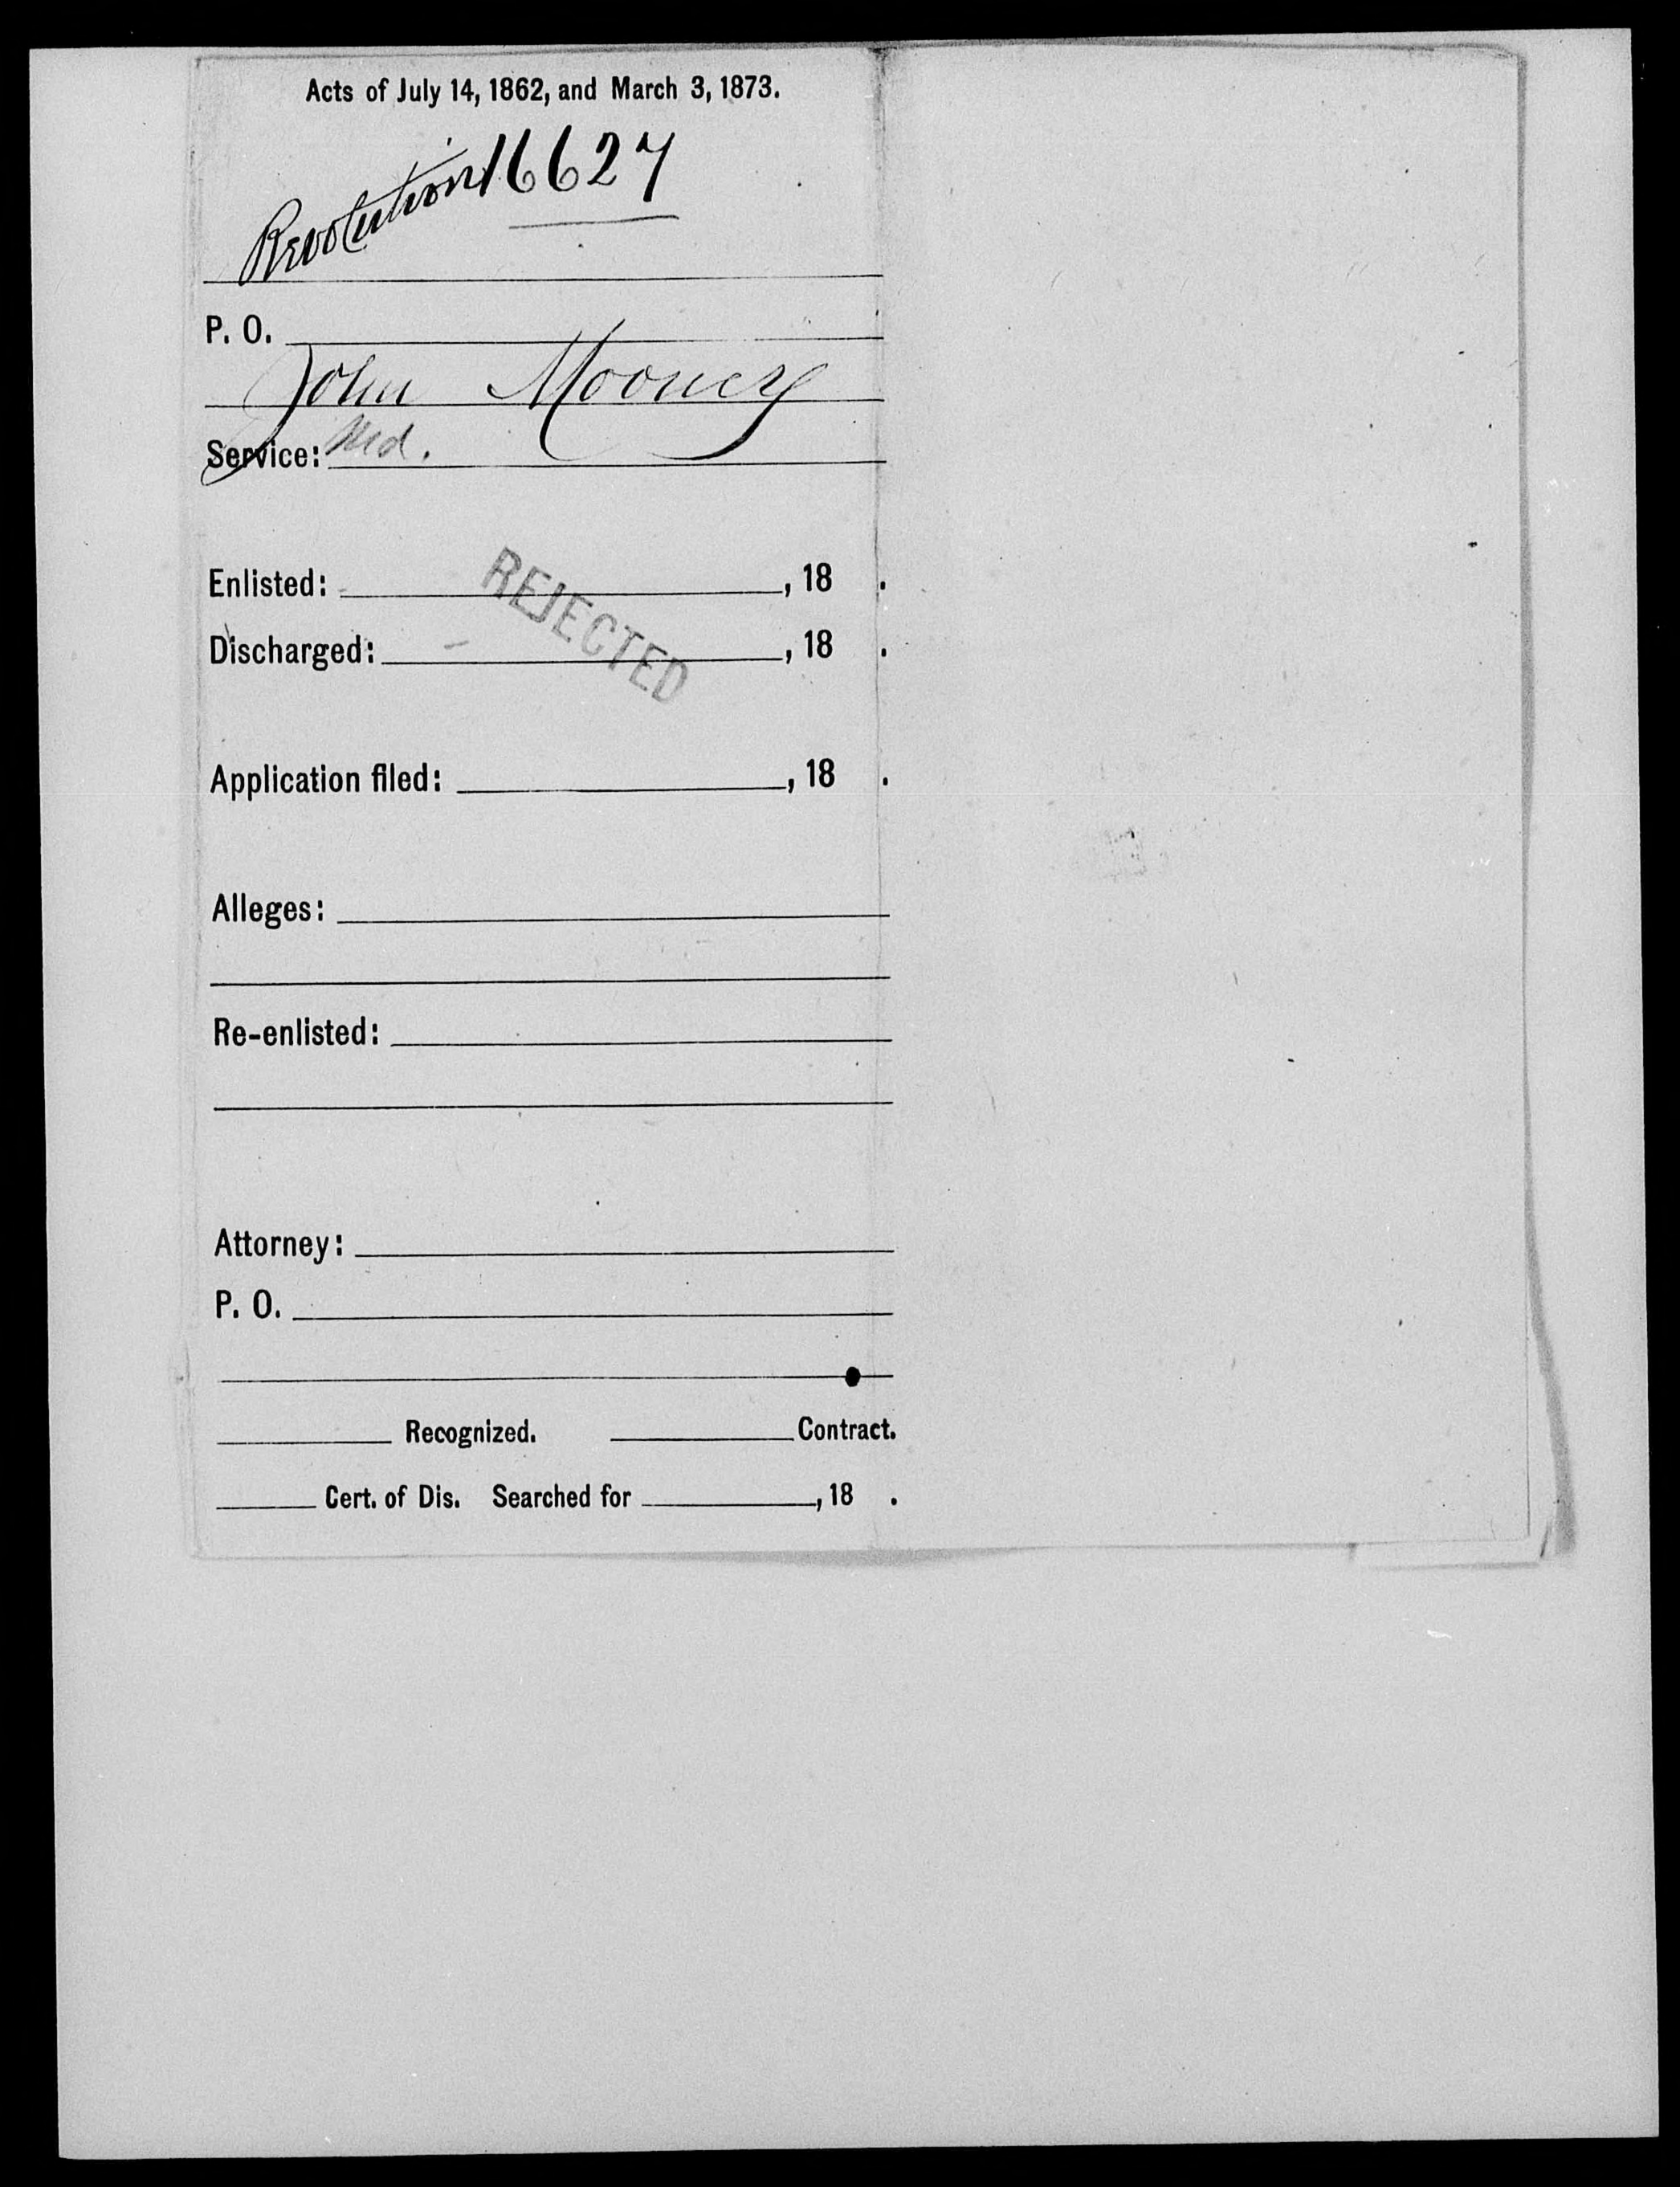Acts of July 14, 1862, and March 3, 1873
Resolution 16627
_________________________
P.O.______________________
John Monney
Service: Md
[stamped] REJECTED
Enlisted: ___________, 18__
Discharged: ________, 18__
Application filed: ___________, 18__
Alleges: ____________, 18__
Re-enlisted: __________

Attorney: _________________
P.O. __________________________
_______________________________
_________ Recognized. __________ Contract
______ Cert. of Dis.   Searched for _______, 18__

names: John Moomy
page: 5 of 9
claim: rejected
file: R. 16,627, for John Mummy, Maryland